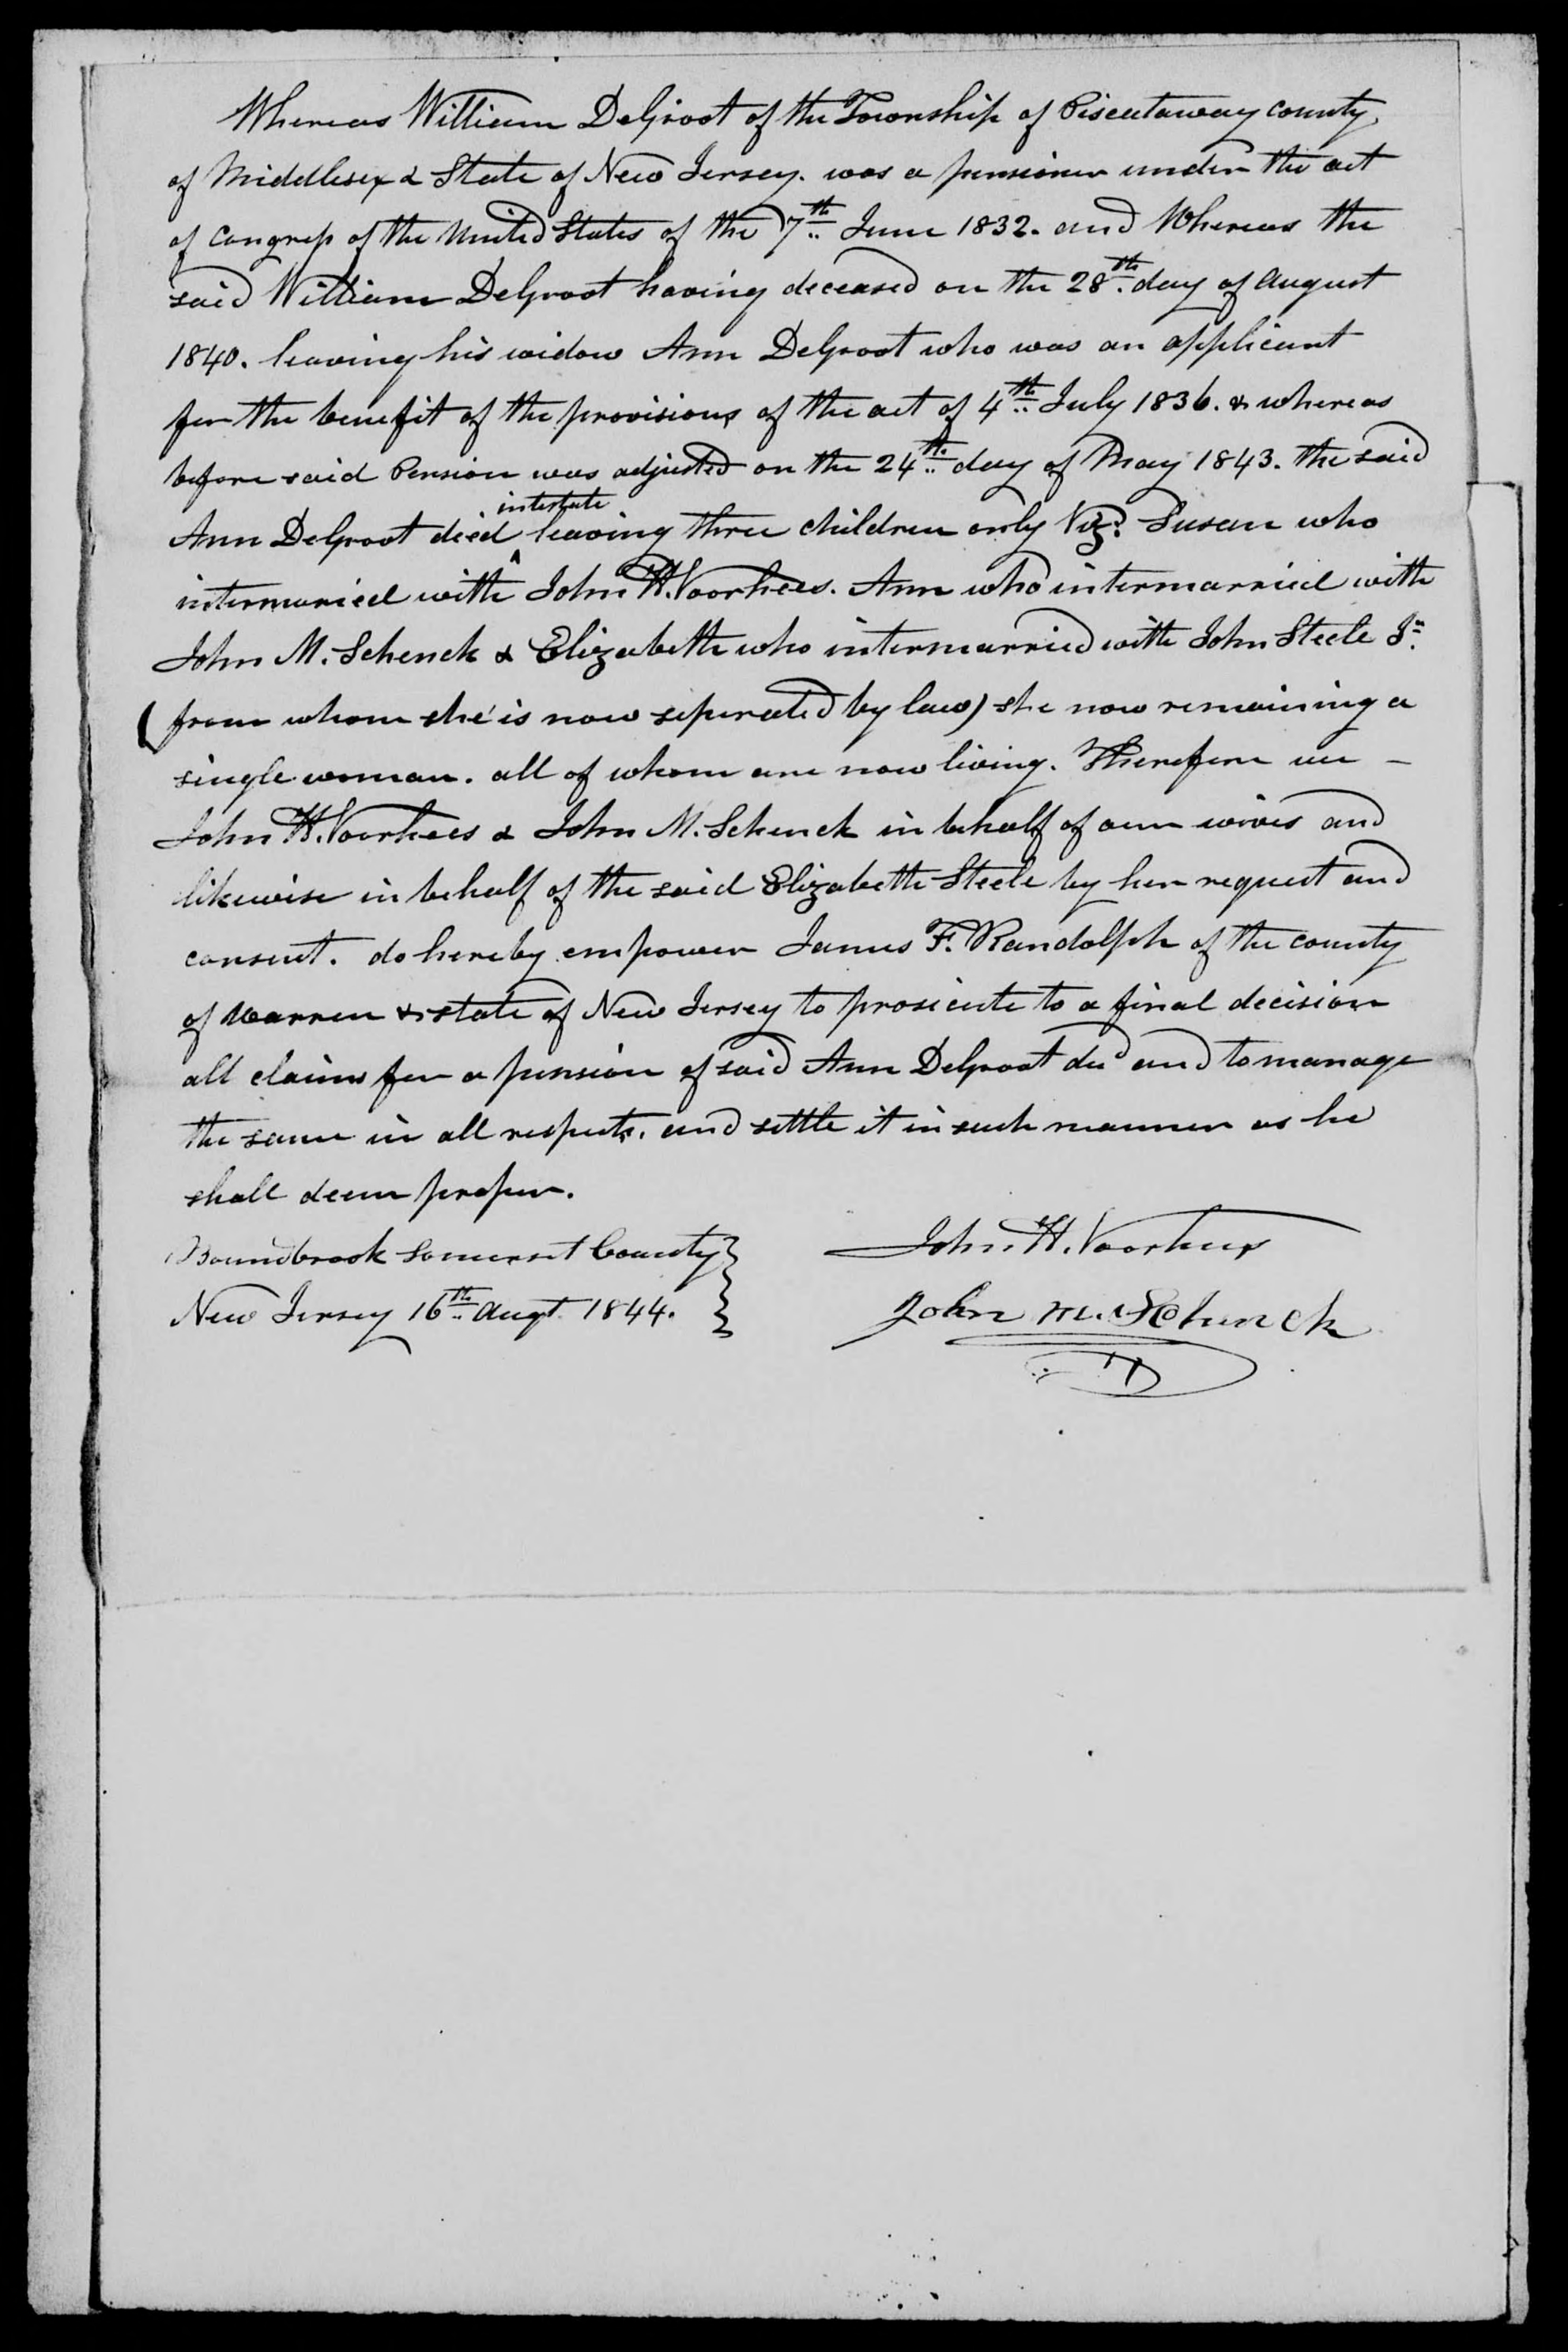Whereas William DeGroot of the Township of Piscataway county of Middlesex State of New Jersey was a pensioner under the act of Congress of the United States of the 7th June 1832 and whereas the said William DeGroot having deceased on the 28th day of August 1840, leaving his widow Ann DeGroot who was an applicant for the benefit of the provisions of the act of 4th July 1836 + whereas before said pension was adjusted on the 24th day of May 1843. the said Ann DeGroot died intestate leaving three children viz: Susan who intermarried with John H. Voorhees. Ann who intermarried with John M. Schenck + Elizabeth who intermarried with John Steele (from whom she is now separated by law, she now remaining a single woman. all of whom are now living. Therefore we John H. Voorhees + John M. Schenck in behalf of our wives and likewise in behalf of the said Elizabeth Steele by her request and consent. do hereby empower James F Randolph of the county of Warren + state of New Jersey to prosecute to a final decision all claims for a pension of said Ann DeGroot [illeg] and to manage the same in all respects and settle it in such manner as he shall deem proper. 
John H. Voorhees   John M. Schenck

Boundbrook Somerset County New Jersey 16gth Augt. 1844.}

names: Elizabeth, James F Randolph, Ann De Groot, William De Groot, Ann De Groot, William De Groot, Ann De Groot, John M Schenck, John H Voorhees, Ann, John M Schenck, John H Voorhees, Susan, John Steele, Elizabeth Steele, John H Voorhees, John M Schenck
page: 25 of 77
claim: widow's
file: W. 417, William De Groot, New Jersey